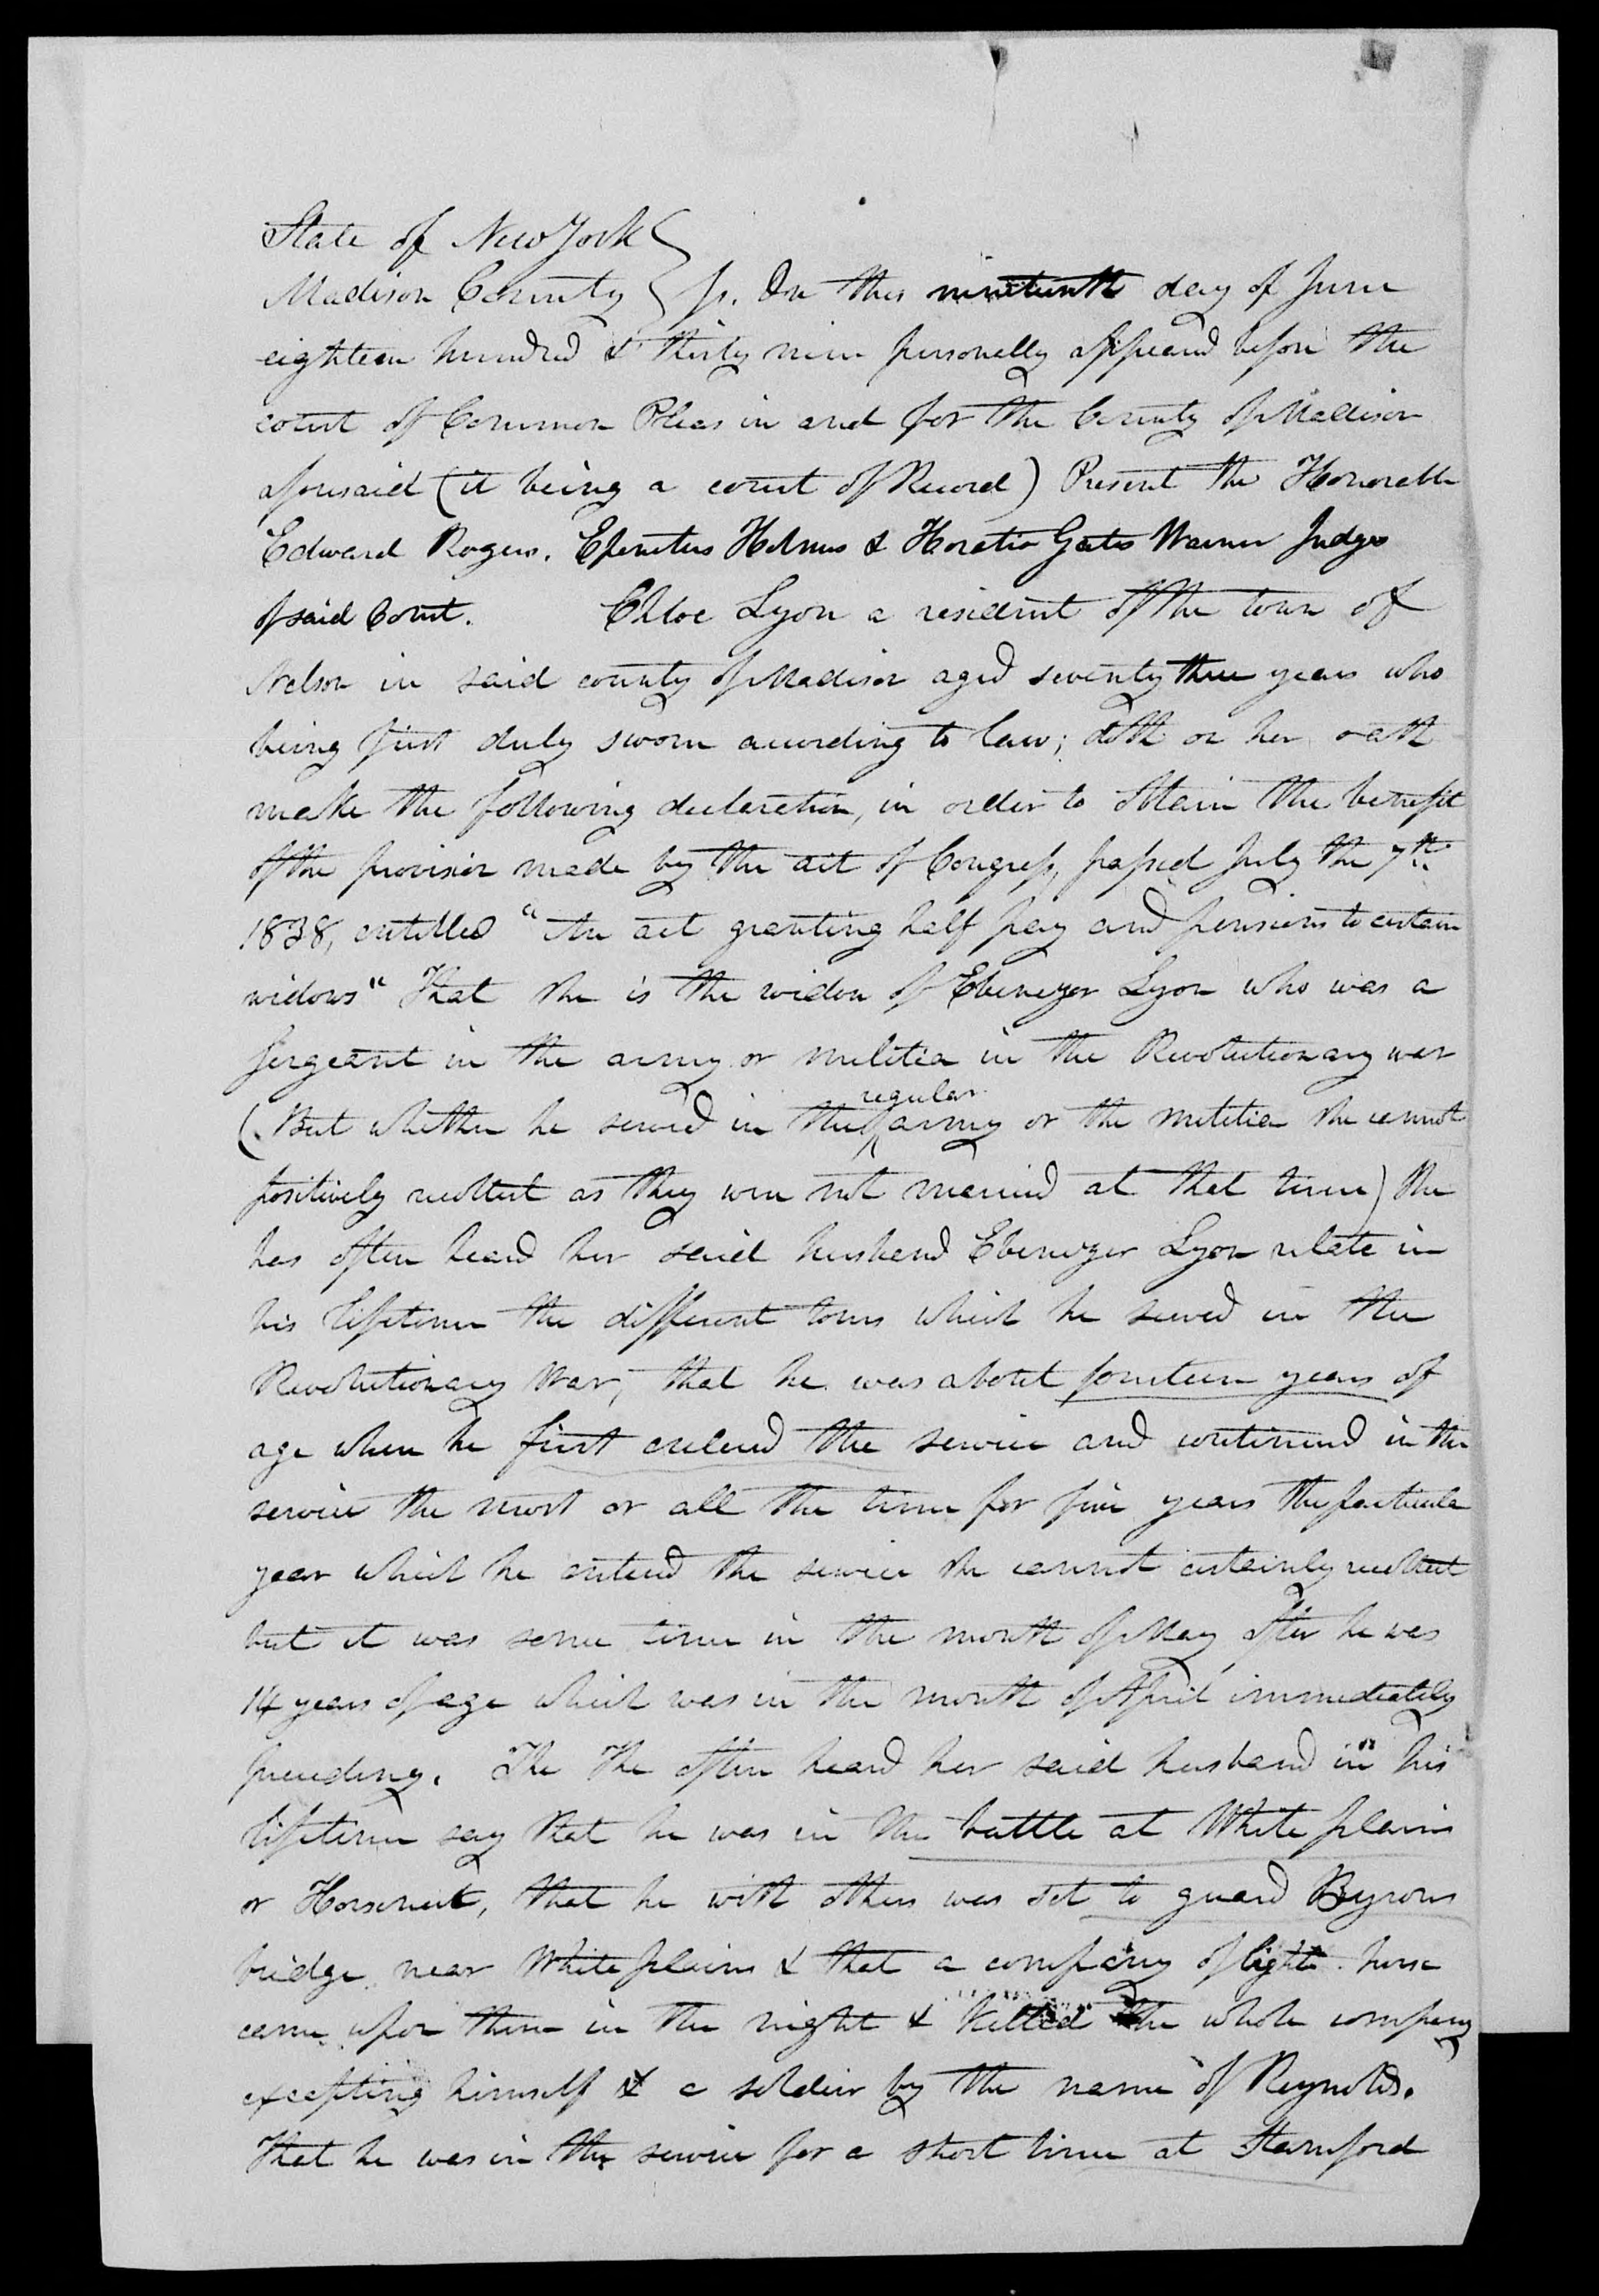State of New York
Madison County ss. On this nineteenth day of June eighteen hundred & thirty nine personally appeared before the court of Common Pleas in and for the County of Madison aforesaid (it being a court of Record) Present the Honorable Edward Rogers, E[illegible]tus Holmes & Horatio Gates Warner Judges of said Court. Chloe Lyon a resident of the town of Nelson in said county of Madison aged seventy three years who being first duly sworn according to law; doth on her oath make the following declaration, in order to obtain the benefit of the provision made by the act of Congress, passed July the 7th 1838, entitled "the act granting half pay and pension to certain widows" That she is the widow of Ebenezer Lyon who was a Sergeant in the army  or militia in the Revolutionary war (But whether he served in the regular army or the militia she cannot positively recollect as they were not married at that time) She has often heard her said husband Ebenezer Lyon relate in his lifetime the different tours which he served in the Revolutionary War, that he was about fourteen years of age when he first entered the service and continued in the service the most or all the time for five years the particular year which he entered the service she cannot certainly recollect but it was some time in the month of May after he was 14 years of age which was in the month of April immediately preceding. The the often heard her said husband in his lifetime say that he was in the battle at White plains or Horseneck, that he with others was set to guard Byrons bridge near White plains & that a company of light horse came upon them in the night & killed the whole company excepting himself & a soldier by the name of Reynolds. That he was in the service for a short time at Stamford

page: 5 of 40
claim: widow's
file: W. 24,615, for Ebenezer Lyon, Connecticut